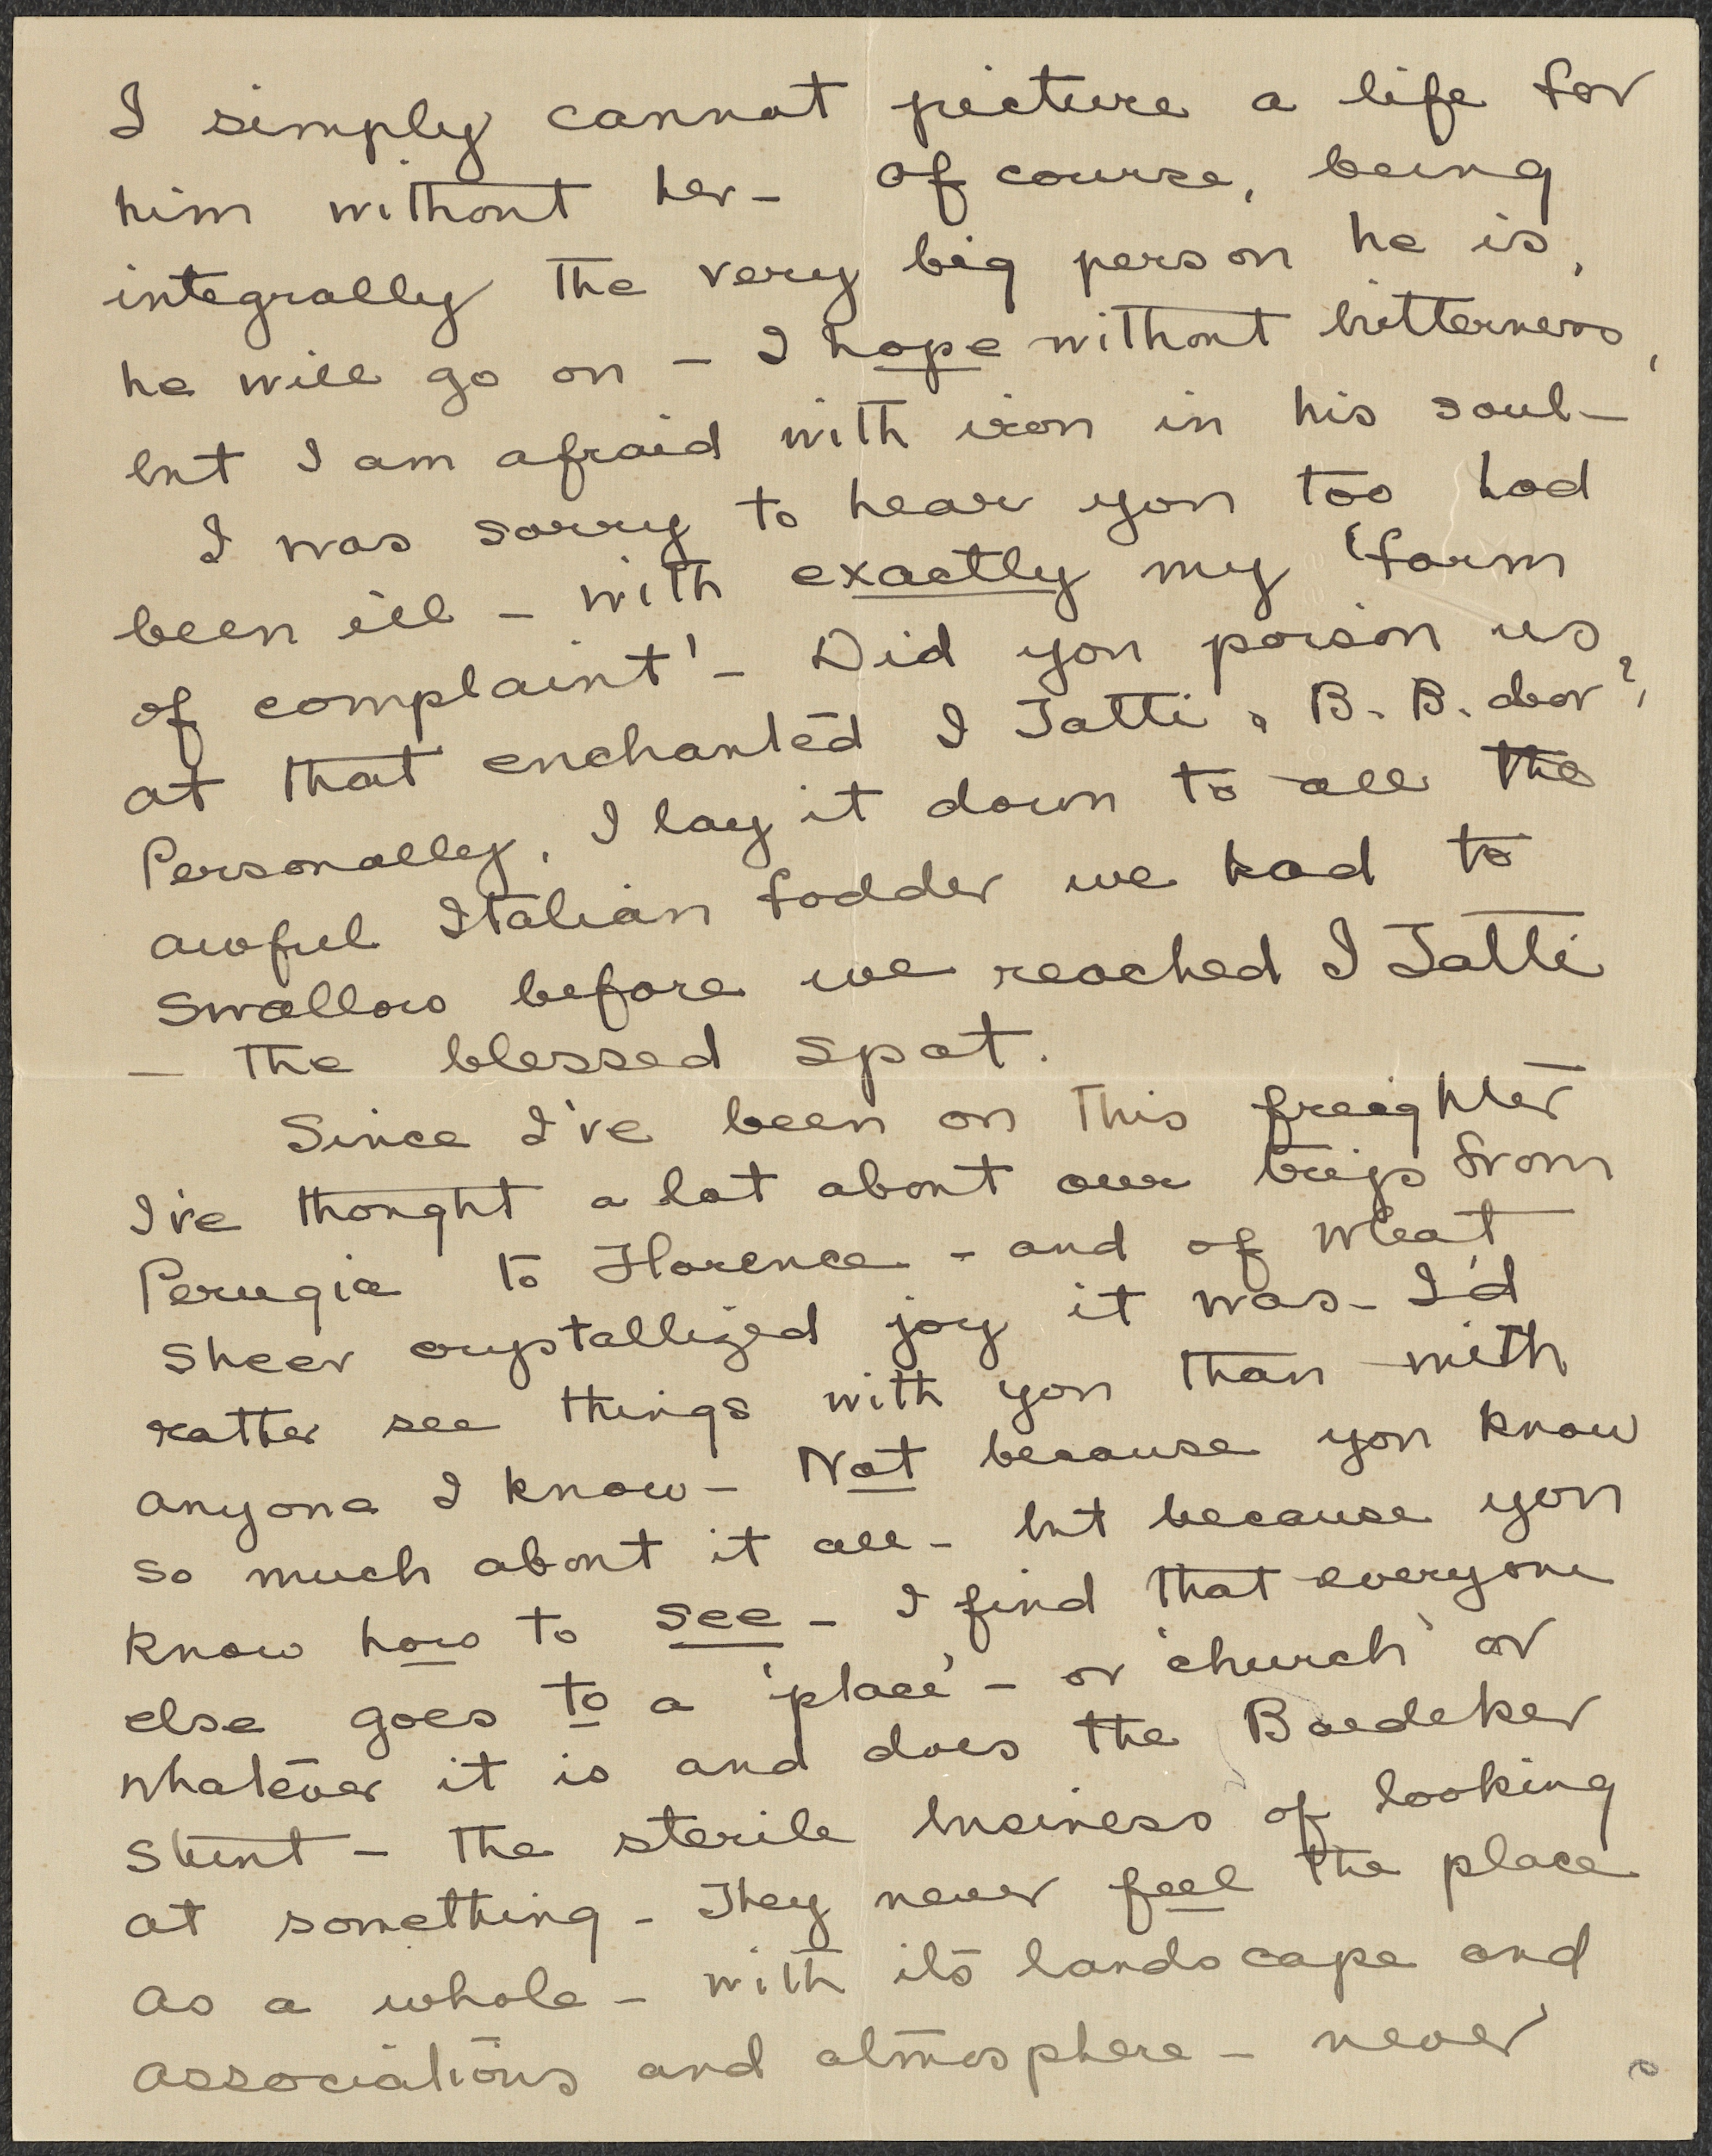I simply cannot picture a life for him without her – of course, being integrally the very big person he is, he will go on – I hope without bitterness, but I am afraid with iron in his soul –
I was sorry to hear you too had been ill – with exactly my 'form of complaint' – Did you poison us, at that enchanted I Tatti, B.B. dear? Personally, I lay it down to all the awful Italian fodder we had to swallow before we reached I Tatti – the blessed spot.
Since I've been on this freighter I’ve thought a lot about our trips from Perugia to Florence – and of what sheer crystallized joy it was – I’d rather see things with you than with anyone I know – Not because you know so much about it all – but because you know how to see – I find that everyone else goes to a ‘place’ – or ‘church’ or whatever it is and does the Baedeker stunt – the sterile business of looking at something – They never feel the place as a whole – with its landscape and associations and atmosphere – never